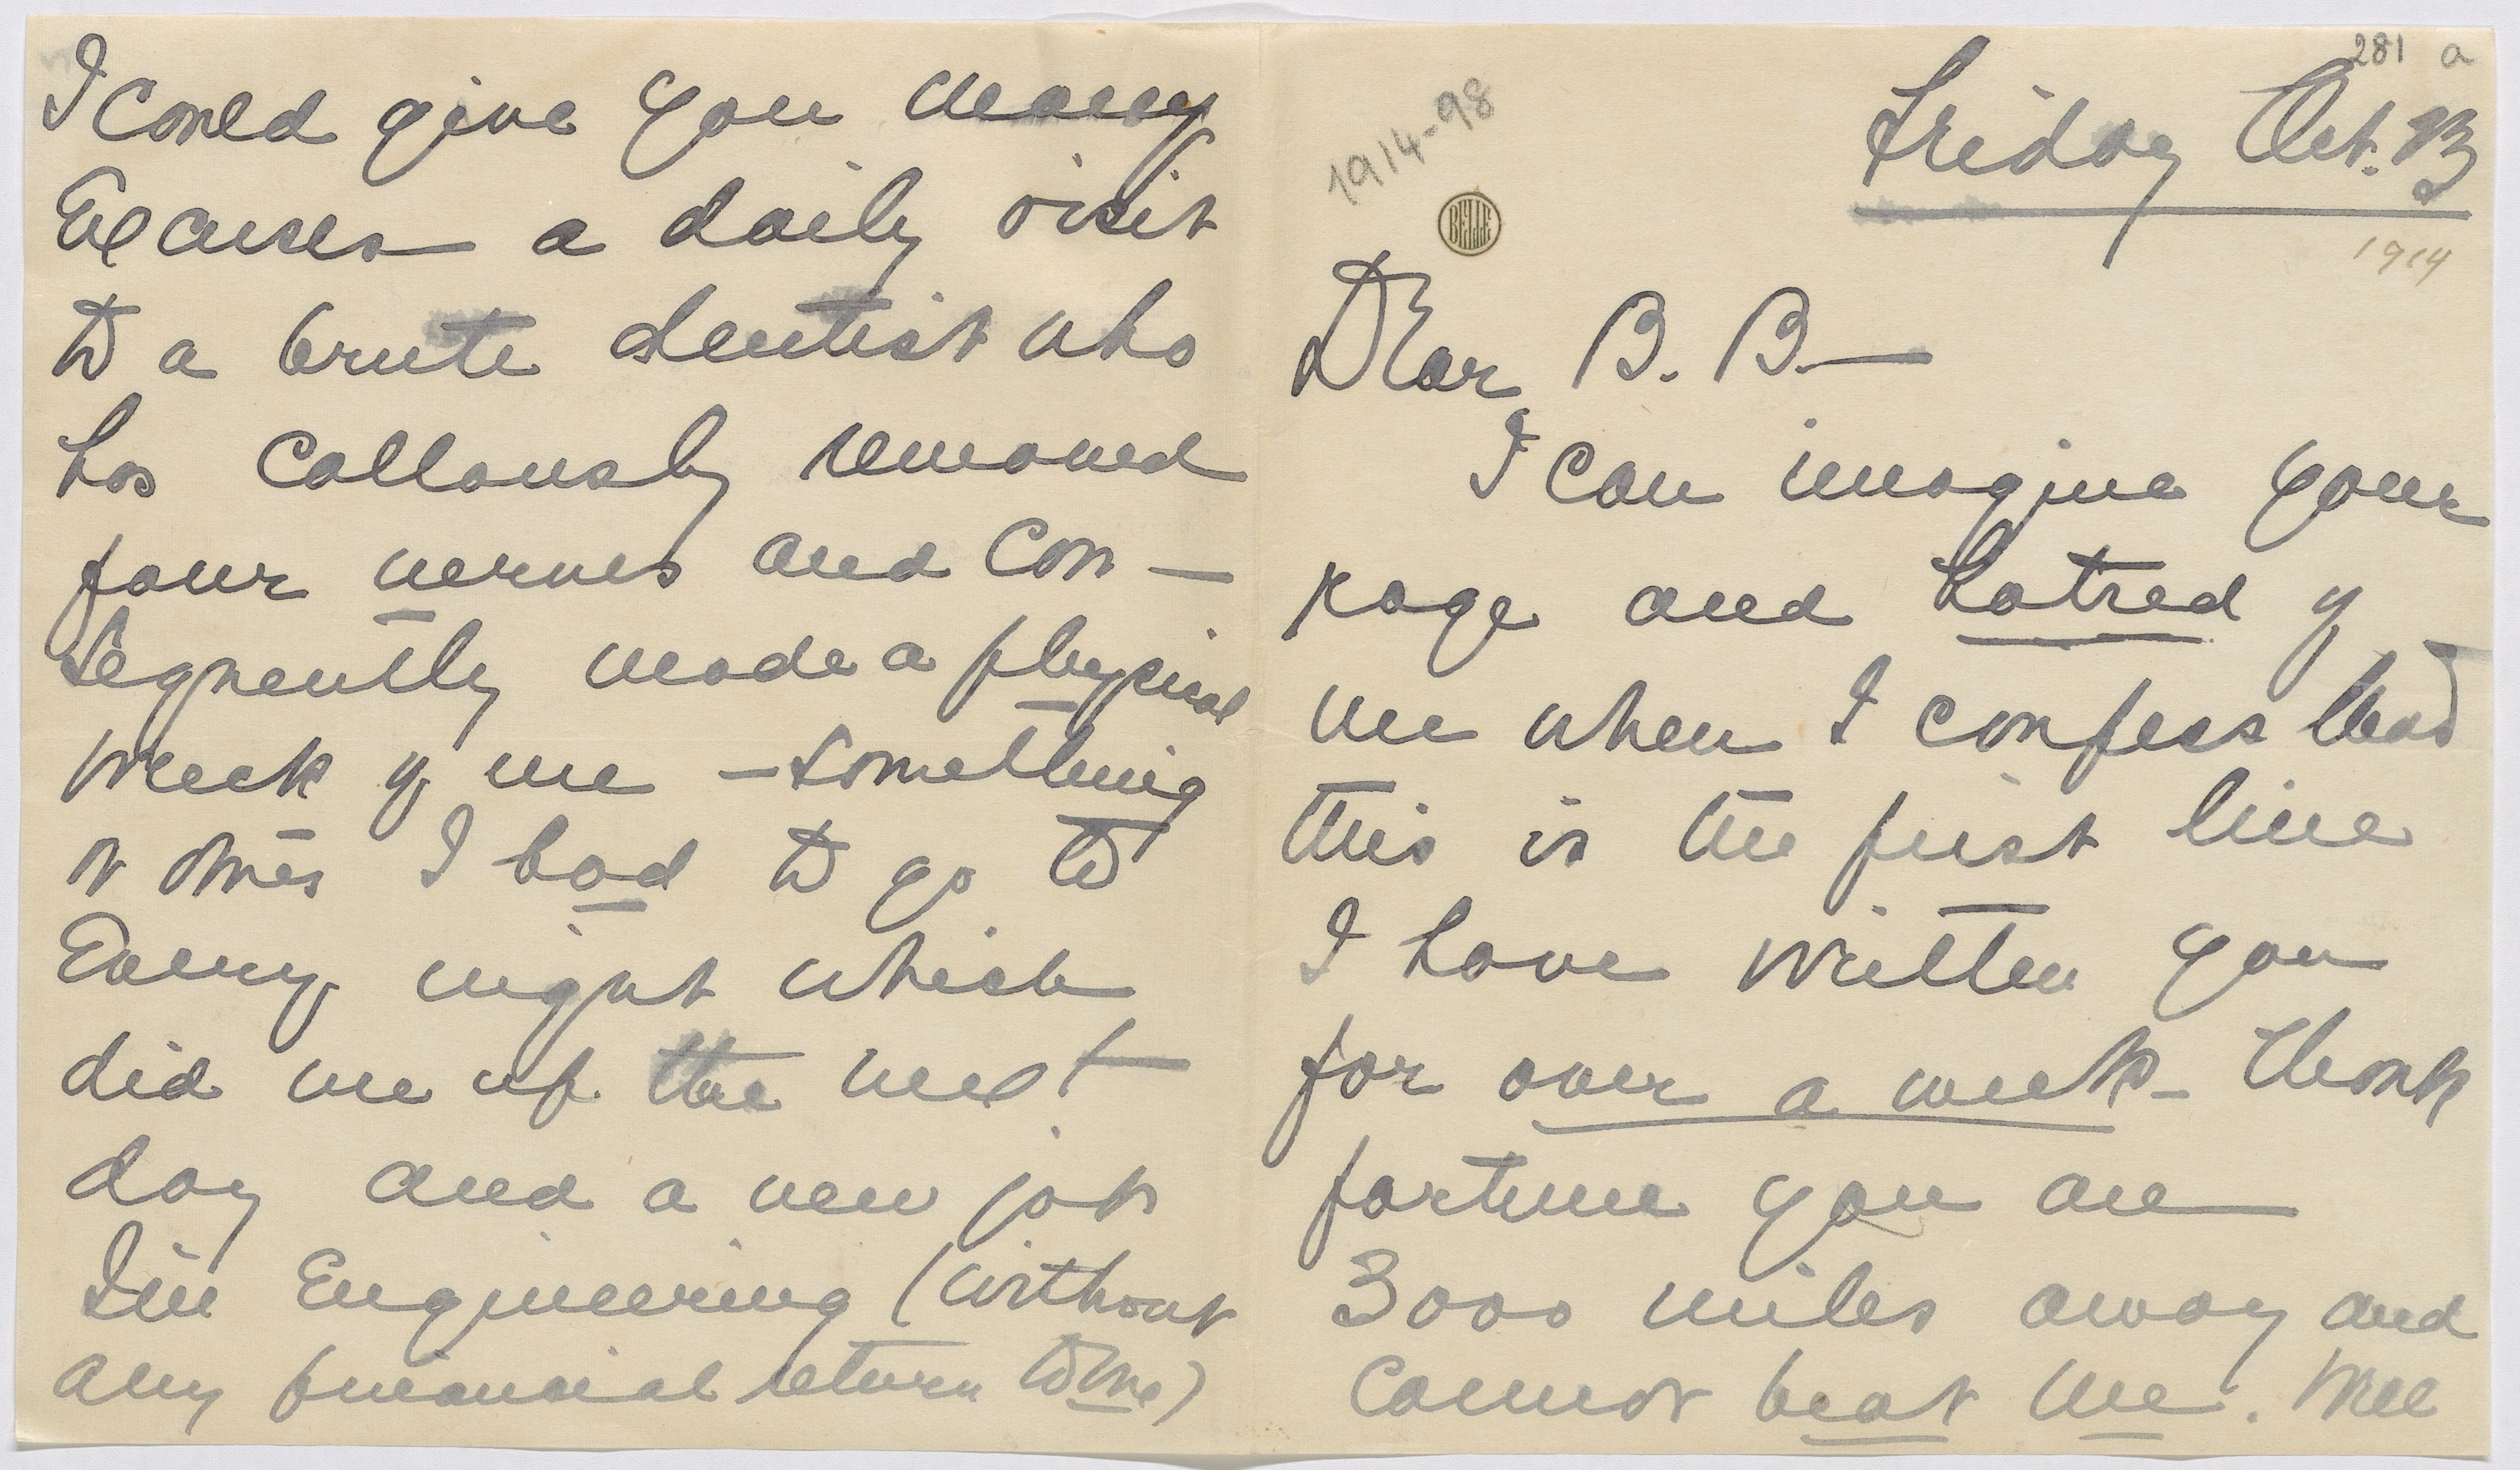Friday Oct. 13
Dear B.B. –
I can imagine your rage and hatred of me when I confess that this is the first line I have written you for over a week – Thank fortune you are 3000 miles away and cannot beat me. Well
I could give you many excuses – a daily visit to a brute dentist who has callously removed four nerves and consequently made a physical wreck of me – something or other I had to go to every night which did me up the next day and a new job I’m engineering (without any financial return to me)